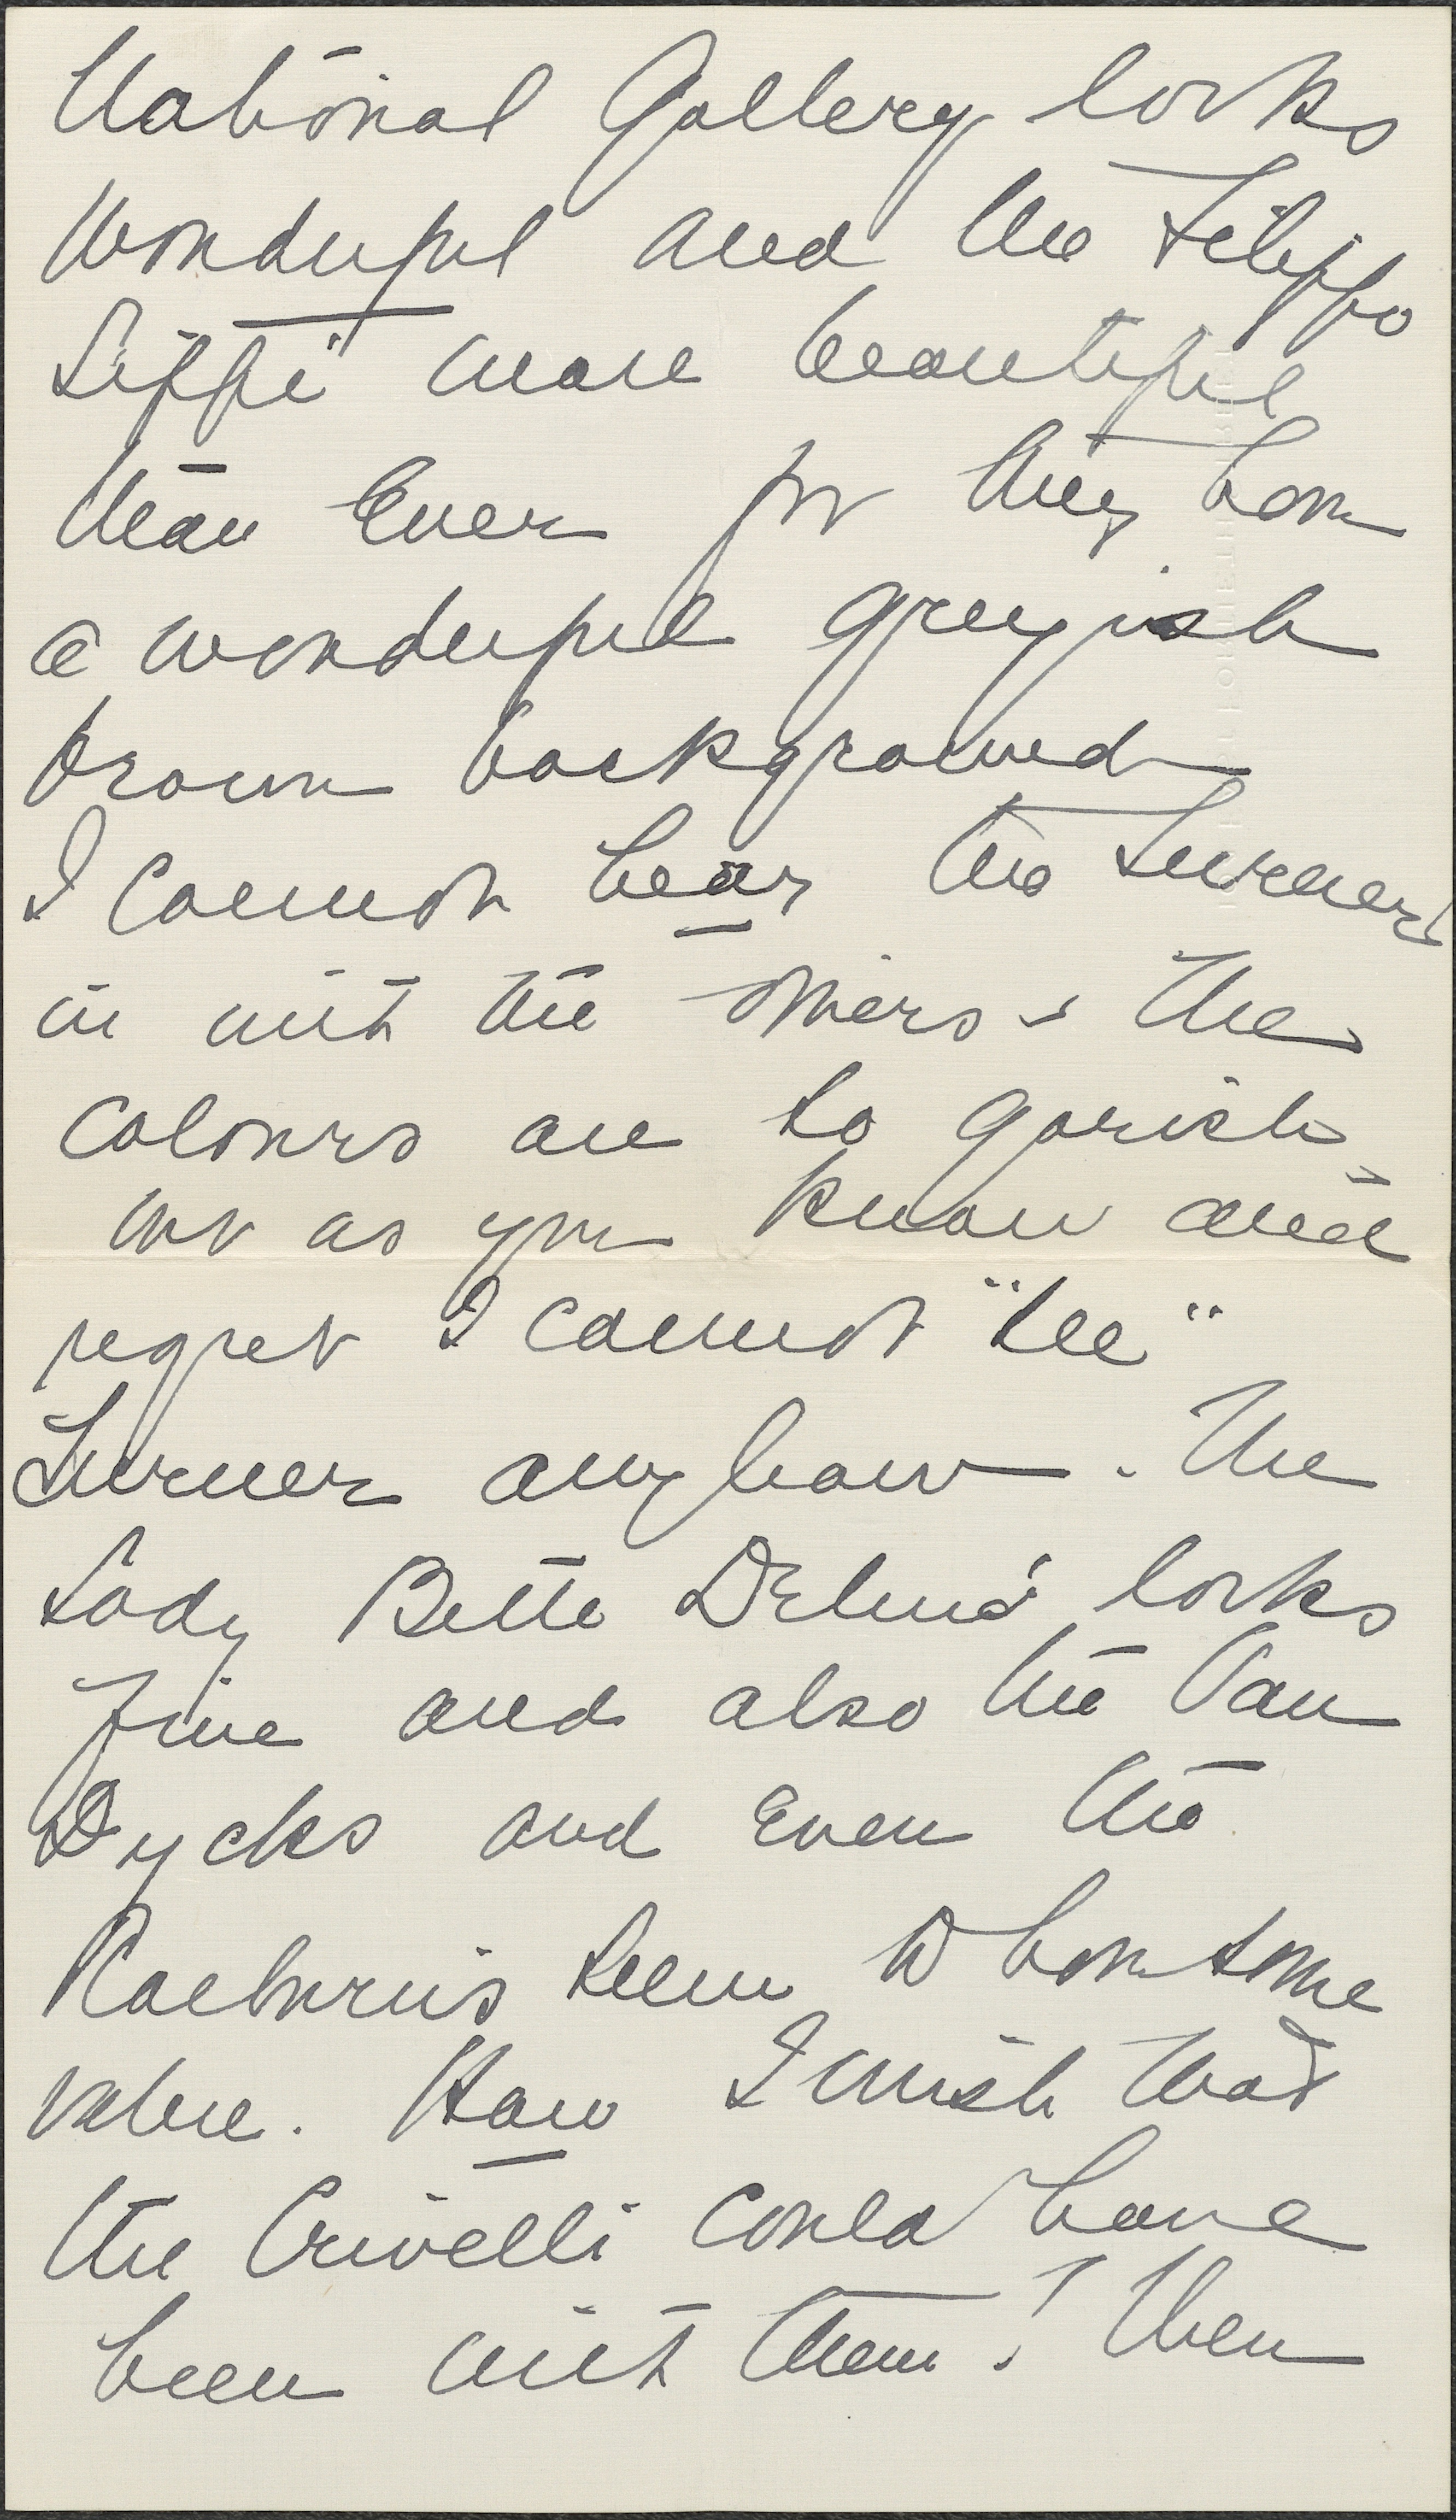National Gallery looks wonderful and the Filippo Lippi more beautiful than ever for they have a wonderful greyish brown background – I cannot bear the Turner in with the others – The colours are so garish but as you know and regret I cannot “see” Turner anyhow. The Lady Bette Delmé looks fine and also the Van Dycks and even the Raeburn’s seem to have some value. How I wish that the Crivelli could have been with them! Then